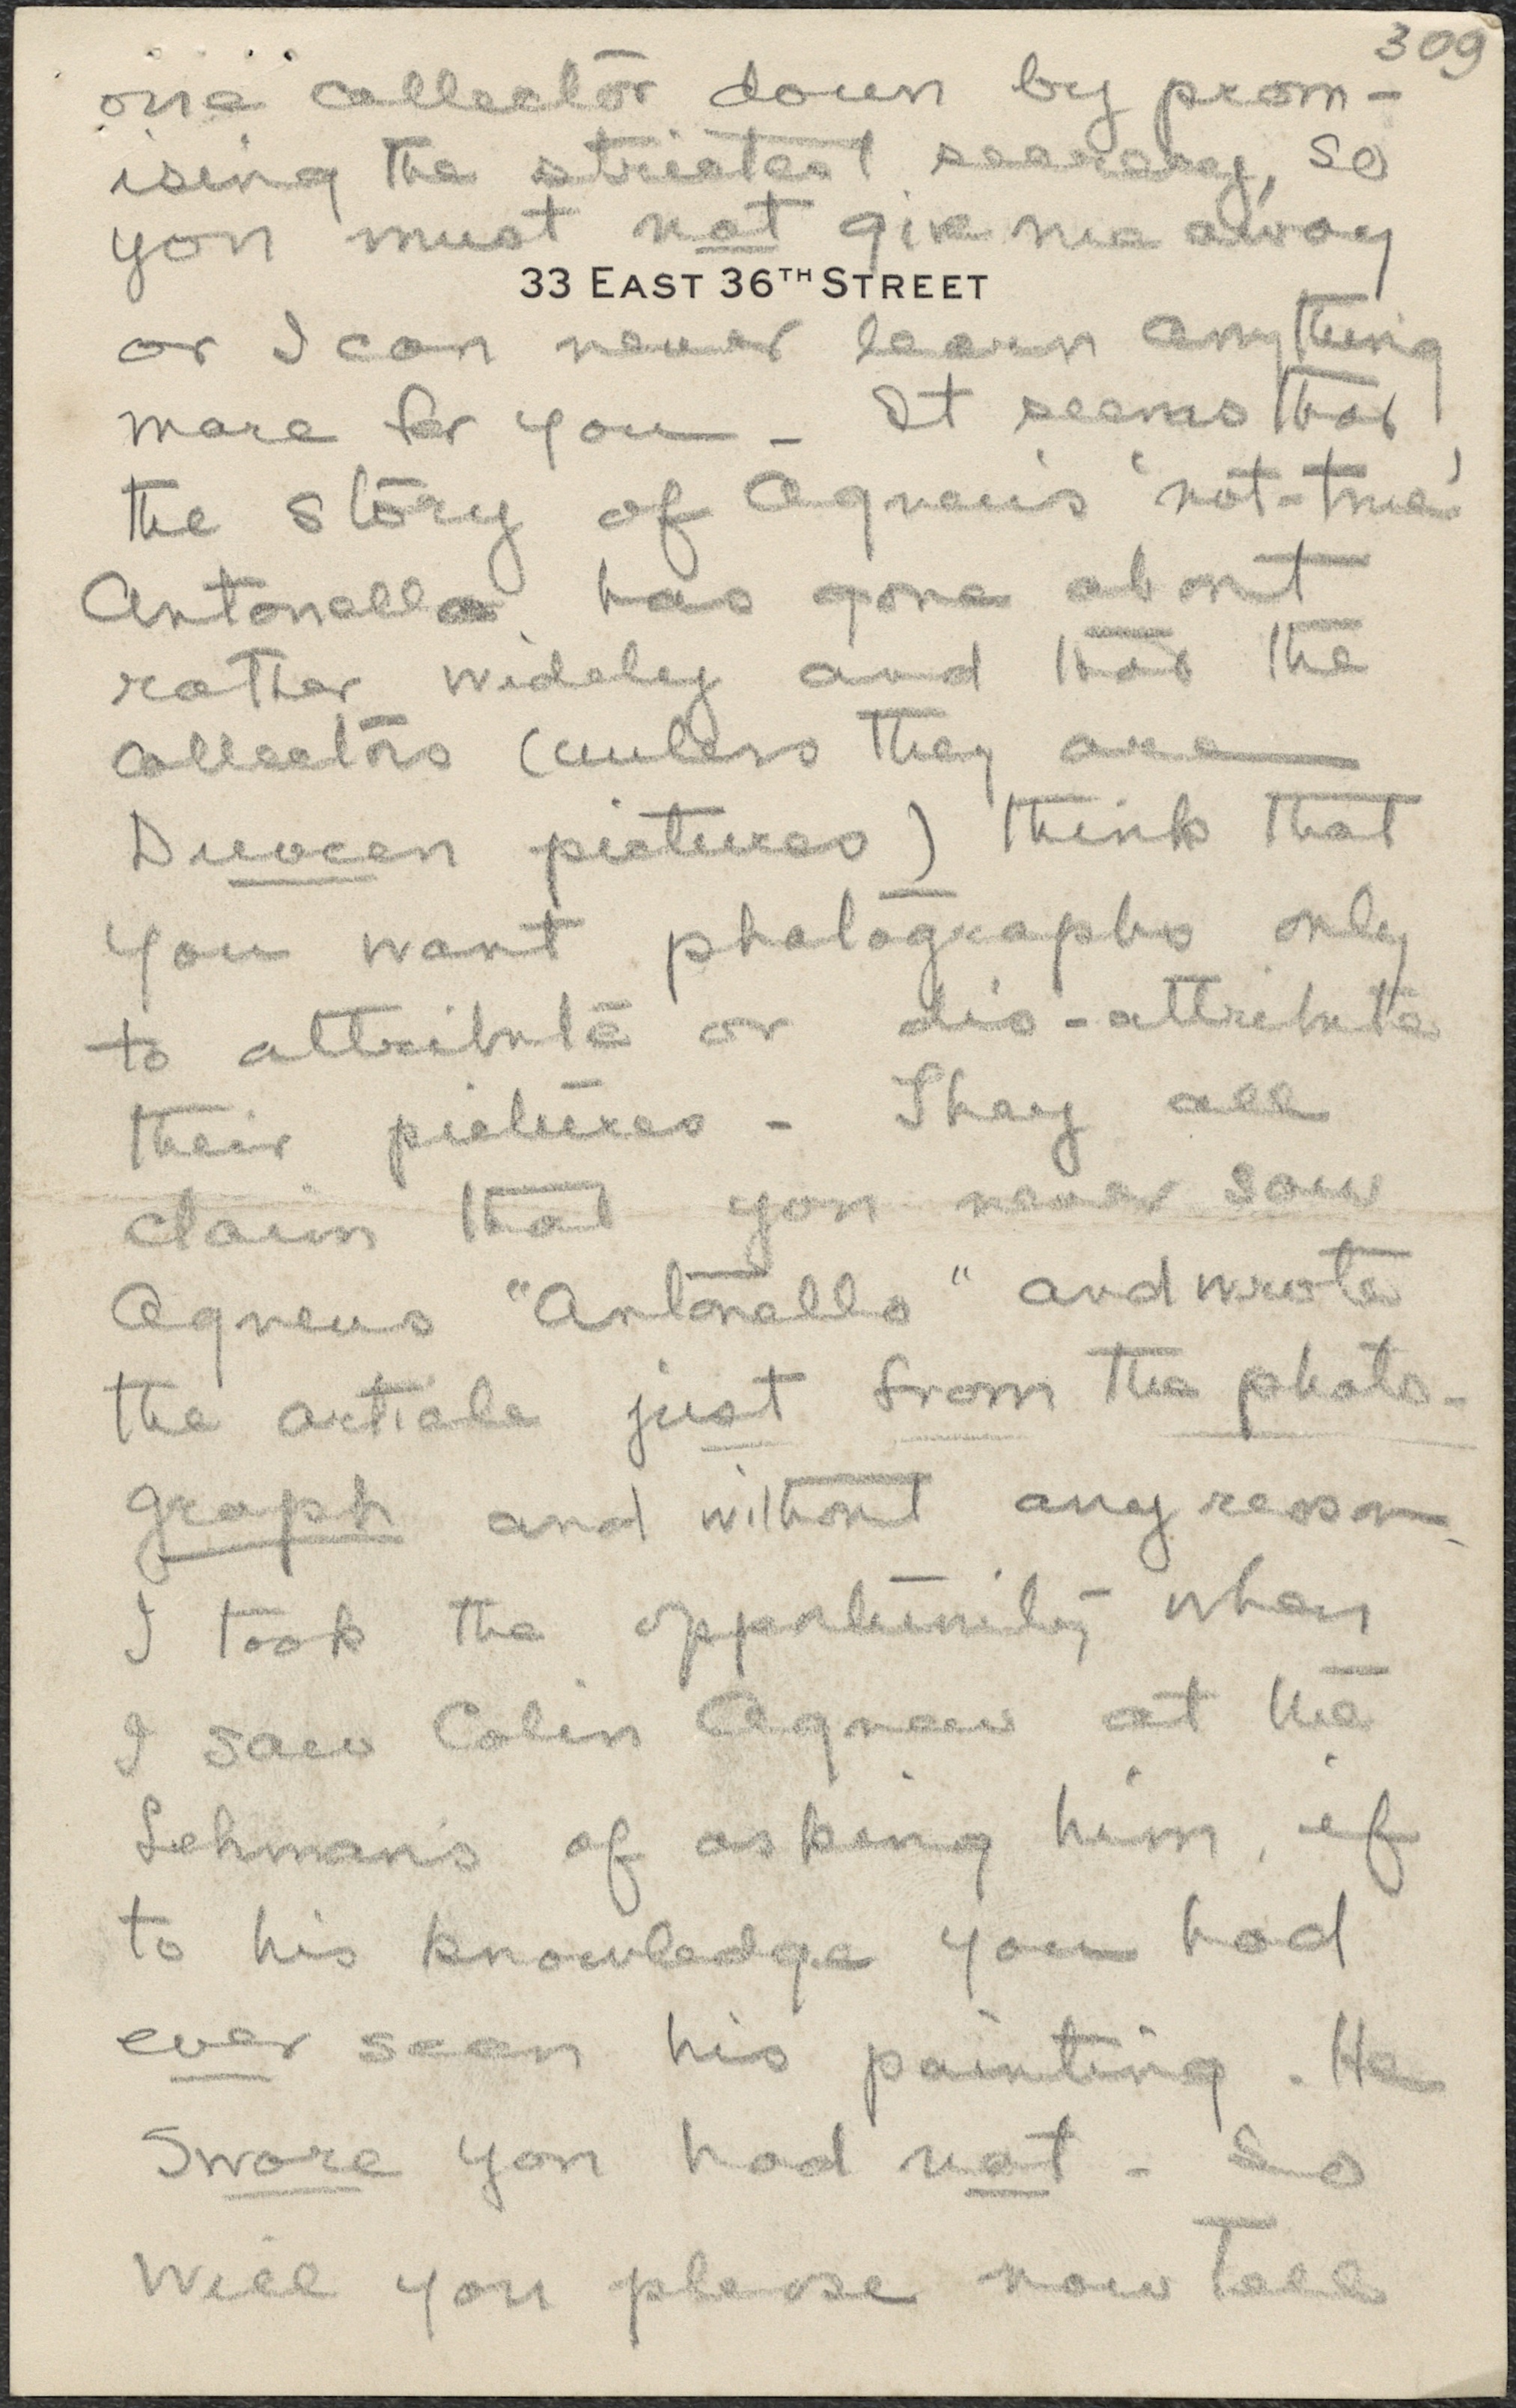one collector down by promising the strictest secrecy, so you must not give me away or I can never learn anything more for you – It seems that the story of Agrew’s ‘not-true’ Antonello has gone about rather widely and that the collectors (unless they are Duveen pictures) think that you want photographs only to attribute or dis-attribute their pictures – They all claim that you never saw Agrew's “Antonello” and wrote the article just from the photograph and without any reason – I took the opportunity when I saw Colin Agrew at the Lehman’s of asking him if to his knowledge you had ever seen his painting. He swore you had not – so will you please now tell